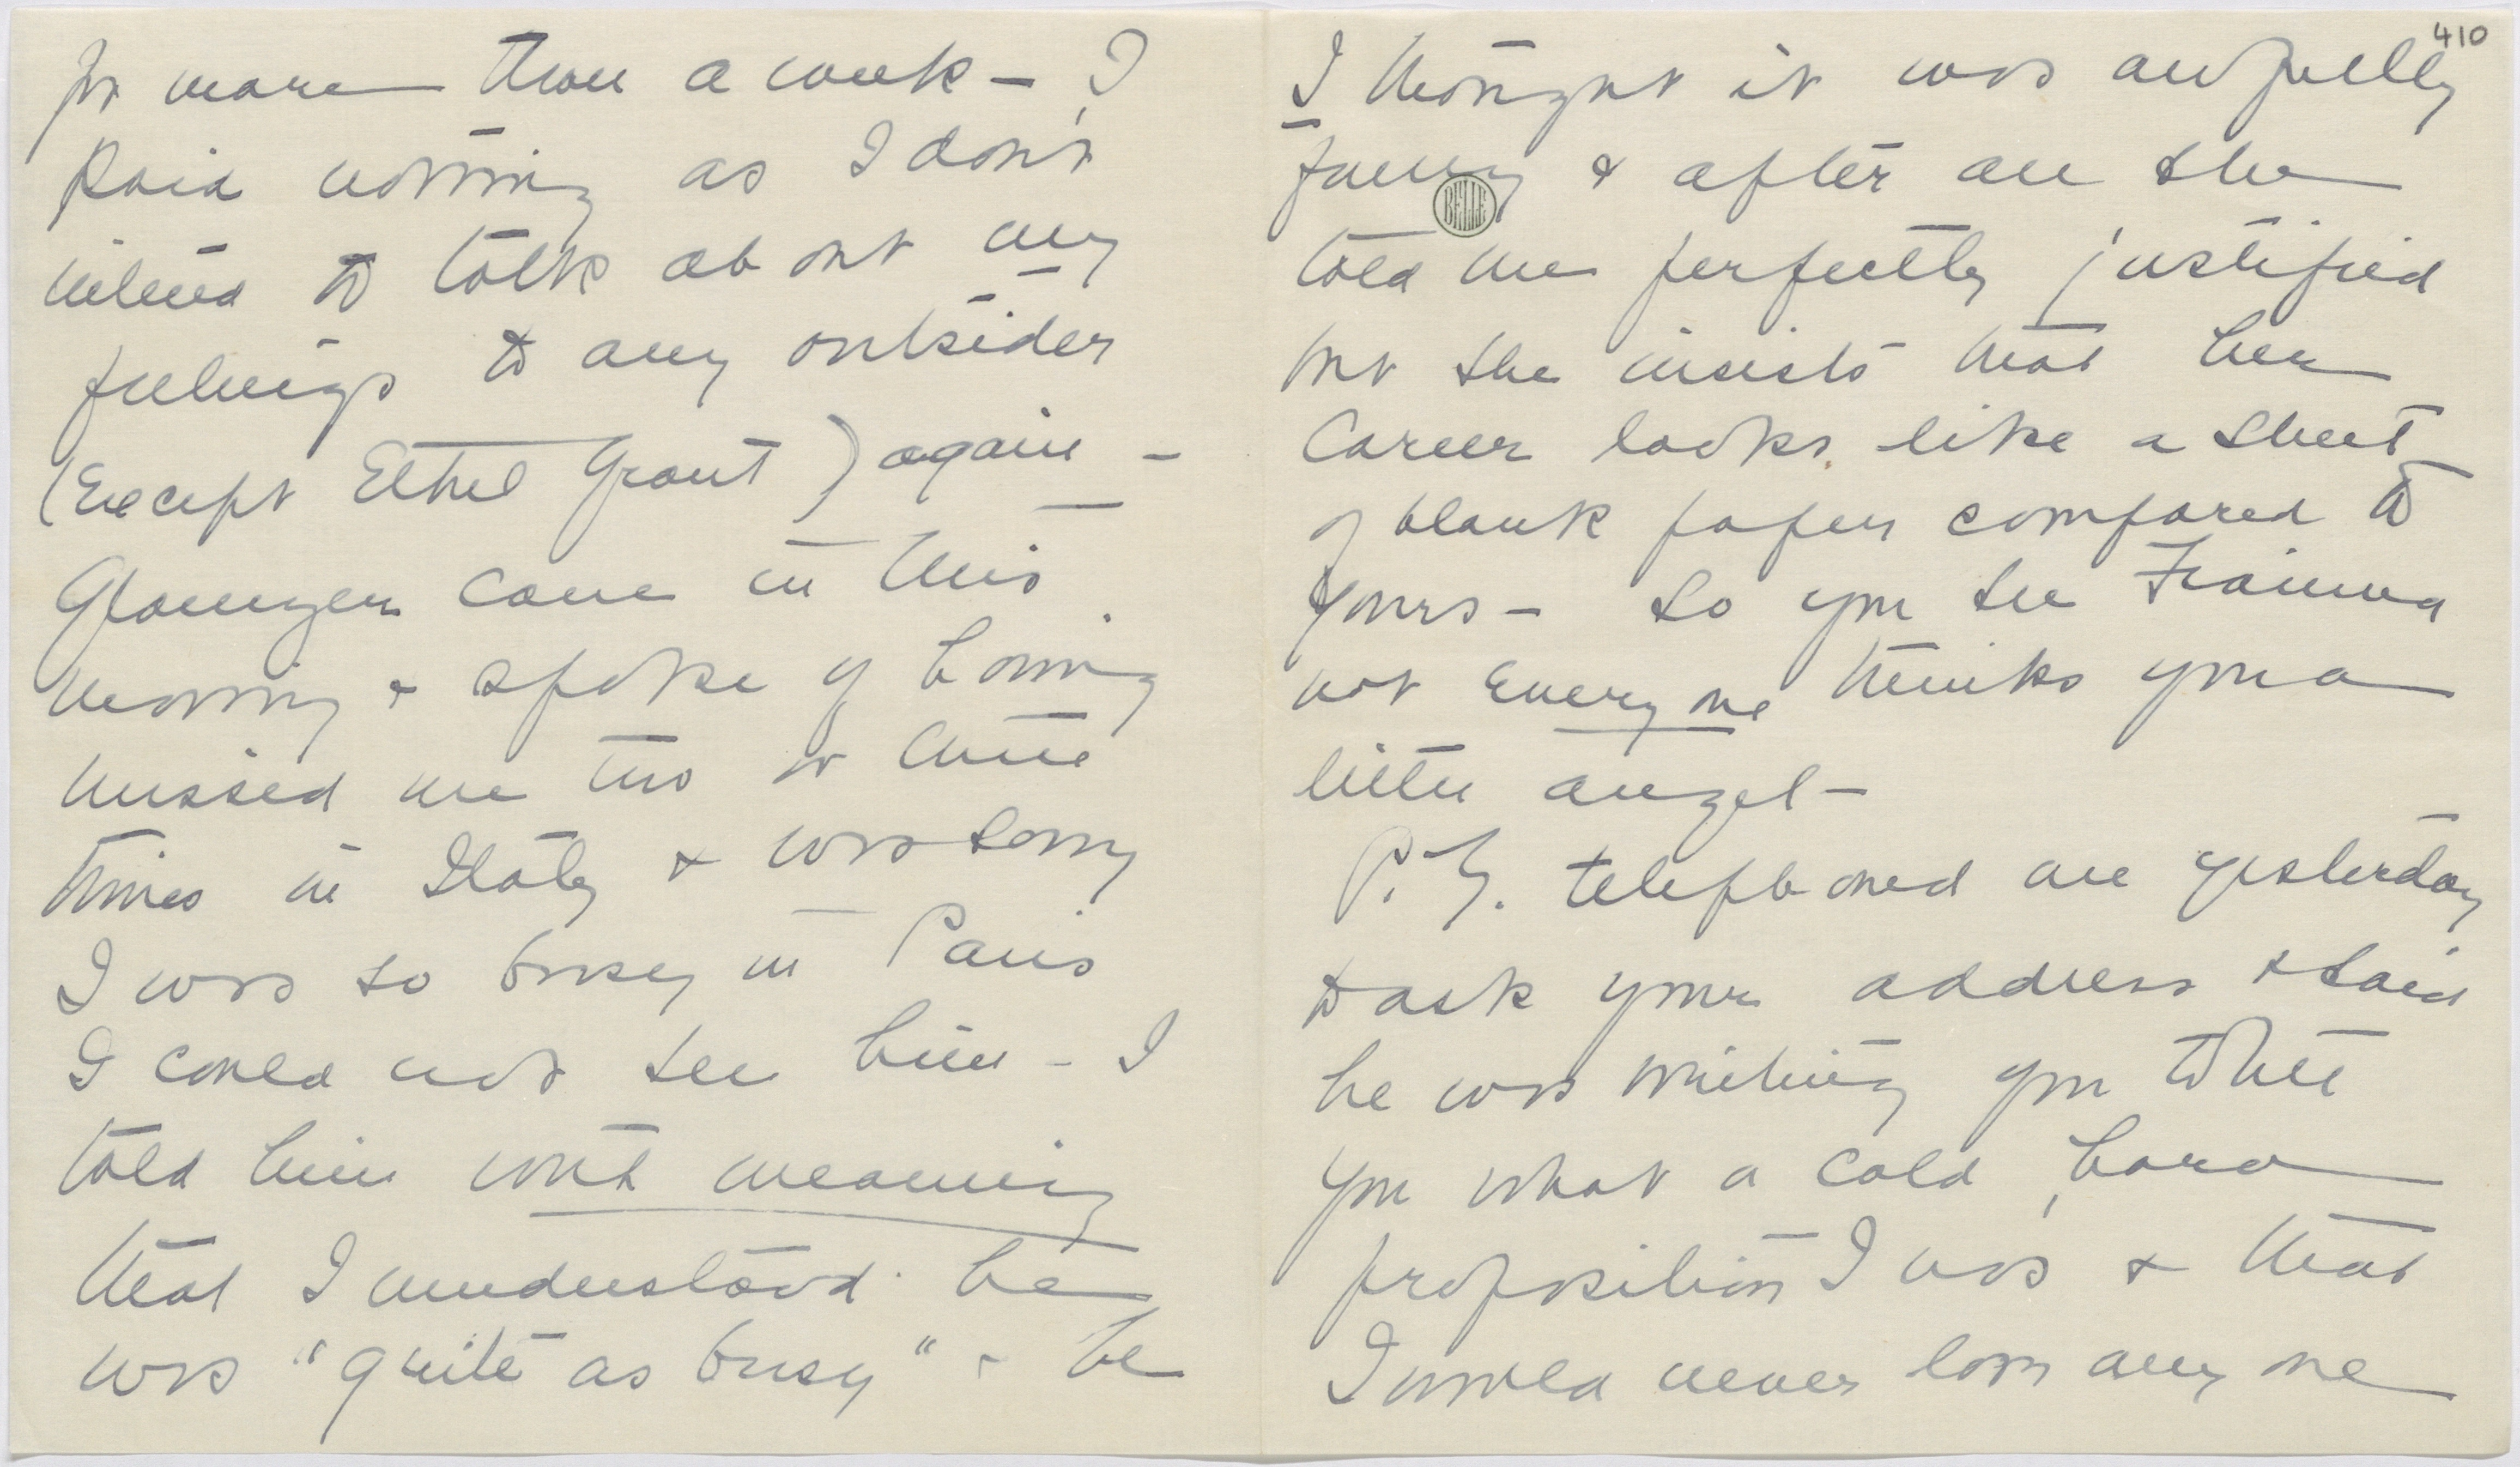I thought it was awfully fancy & after all she told me perfectly justified but she insists that her career looks like a sheet of blank paper compared to yours – so you see Fiamma not every one thinks you a little angel –
P. G. telephoned me yesterday to ask your address & said he was writing you to tell you what a cold, hard proposition I was & that I would never love any one
for more than a week – I said nothing as I don’t intend to talk about my feelings to any outsider (except Ethel Grant) again – Glaenzer came in this morning & spoke of having missed me two or three times in Italy & was sorry I was so busy in Paris I could not see him – I told him with meaning that I understood he was “quite as busy” & he